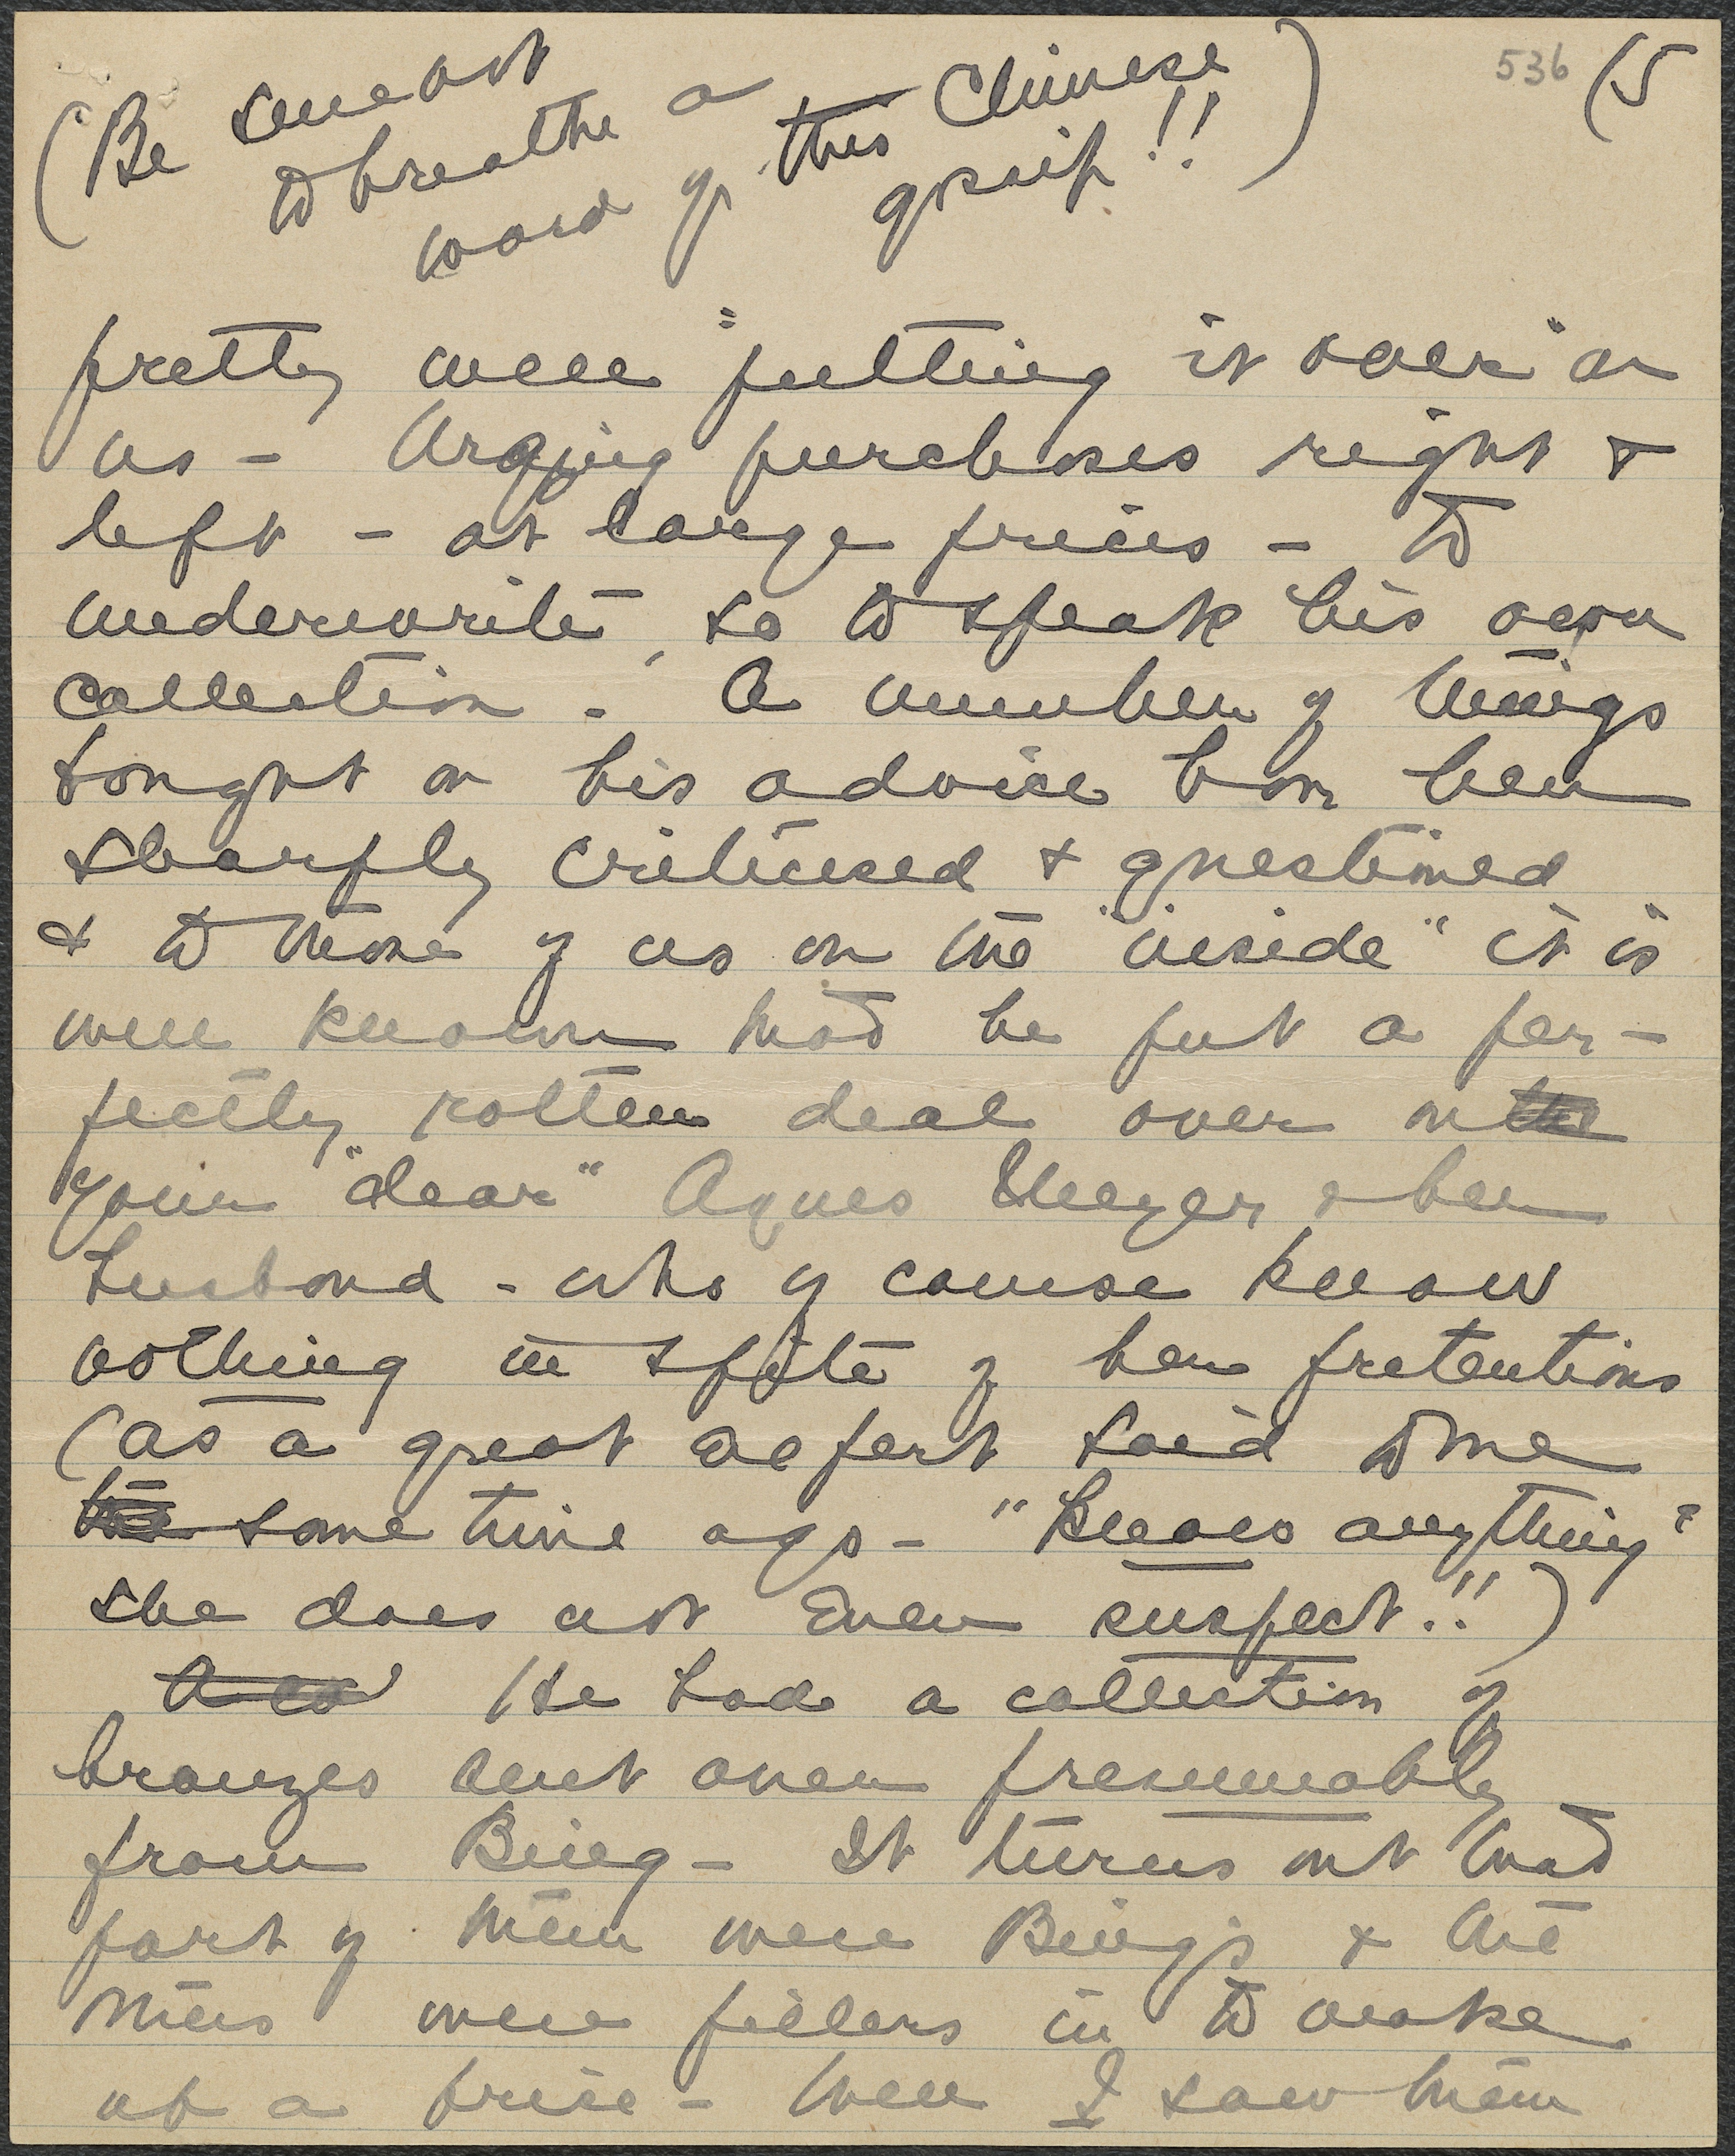[added in top margin: (Be sure not to breathe a word of this Chinese gossip!!)]
pretty well “putting it over” on us – arguing purchases right & left – at large prices – to underwrite, so to speak his own collection – a number of things bought on his advise have been sharply criticised & questioned & to those of us on the “inside” it is well known that he put a perfectly rotten deal over on th your “dear” Agnes Meyer & her husband – who of course know nothing in spite of her pretentious (as a great expert said to me the some time ago – “know anything? she does not even suspect!!) A co He had a collection of bronzes sent over presumably from Bing – It turns out that part of them were Bing’s & the others were fillers in to make up a price – well I saw them